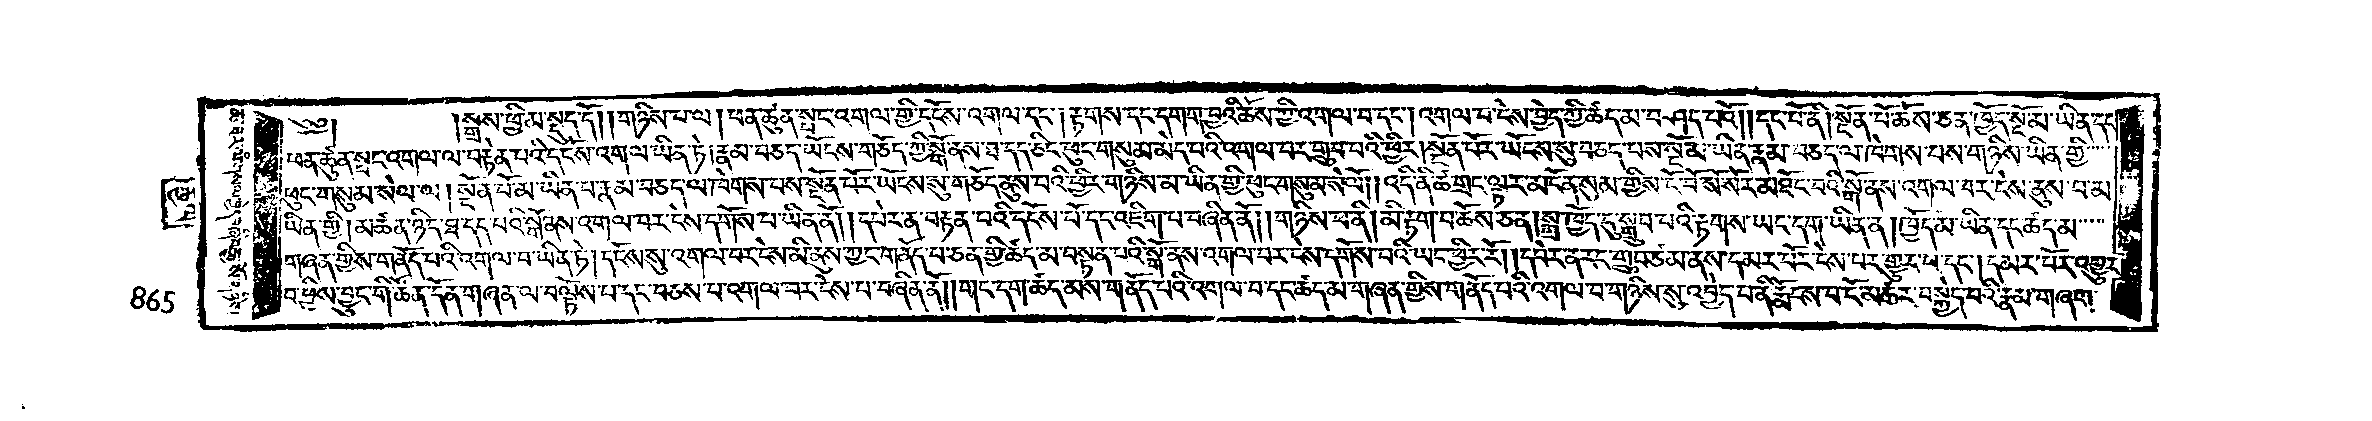༄༅། །སྒྲས་ཕྱི་མ་སྡུད་དོ། །གཉིས་པ་ལ། ཕན་ཚུན་སྤང་འགལ་གྱི་དངོས་འགལ་དང་། རྟགས་དང་དགག་བྱའི་ཆོས་ཀྱི་འགལ་བ་དང་། འགལ་བ་ངེས་བྱེད་ཀྱི་ཚད་མ་བཤད་པའོ། །དང་པོ་ནི། སྔོན་པོ་ཆོས་ཅན་ཁྱོད་སྔོ་མ་ཡིན་དང་།
ཕན་ཚུན་སྤང་འགལ་ལ་བརྟེན་པའི་དངོས་འགལ་ཡིན་ཏེ། རྣམ་བཅད་ཡོངས་གཅོད་ཀྱི་སྒོ་ནས་ཐ་དད་ཅིང་ཕུང་གསུམ་མེད་པའི་འགལ་བར་གྲུབ་པའི་ཕྱིར། སྔོན་པོར་ཡོངས་སུ་བཅད་པས་སྔོ་མ་ཡིན་རྣམ་བཅད་ལ་ཁེགས་པས་གཉིས་ཡིན་གྱི་
ཕུང་གསུམ་སེལ་ལ། སྔོན་པོ་མ་ཡིན་པ་རྣམ་བཅད་ལ་ཁེགས་པས་སྔོན་པོར་ཡོངས་སུ་གཅོད་ནུས་པའི་ཕྱིར་གཉིས་མ་ཡིན་གྱི་ཕུང་གསུམ་སེལ་ལོ། །འདི་ནི་ཚ་གྲང་ལྟར་མངོན་སུམ་གྱིས་ངོ་བོ་སོ་སོར་མཐོང་བའི་སྒོ་ནས་འགལ་བར་ངེས་ནུས་པ་མ་
ཡིན་གྱི། མཚན་ཉིད་ཐ་དད་པའི་སྒོ་ནས་འགལ་བར་ངེས་དགོས་པ་ཡིན་ནོ། །དཔེར་ན་བརྟན་པའི་དངོས་པོ་དང་འཇིག་པ་བཞིན་ནོ། །གཉིས་པ་ནི། མི་རྟག་པ་ཆོས་ཅན། སྒྲ་ཁྱོད་དུ་སྒྲུབ་པའི་རྟགས་ཡང་དག་ཡིན་ན། ཁྱོད་མ་ཡིན་དང་ཚད་མ་
གཞན་གྱིས་གནོད་པའི་འགལ་བ་ཡིན་ཏེ། དངོས་སུ་འགལ་བར་ངེས་མི་ནུས་ཀྱང་གནོད་པ་ཅན་གྱི་ཚད་མ་བསྟན་པའི་སྒོ་ནས་འགལ་བར་ངེས་དགོས་པའི་ཡང་ཕྱིར་རོ། །དཔེར་ན་རང་གྲུབ་ཙམ་ནས་དམར་པོར་ངེས་པར་གྱུར་པ་དང་། དམར་པོར་འགྱུར་
བ་ཕྱིས་བྱུང་གི་ཚོན་དོན་གཞན་ལ་བལྟོས་པ་དང་བཅས་པ་འགལ་བར་ངེས་པ་བཞིན་ནོ། །གང་དག་ཚད་མས་གནོད་པའི་འགལ་བ་དང་ཚད་མ་གཞན་གྱིས་གནོད་པའི་འགལ་བ་གཉིས་སུ་འབྱེད་པ་ནི་རྨོངས་པ་ངོ་མཚར་བསྐྱེད་པའི་རྣམ་གཞག་